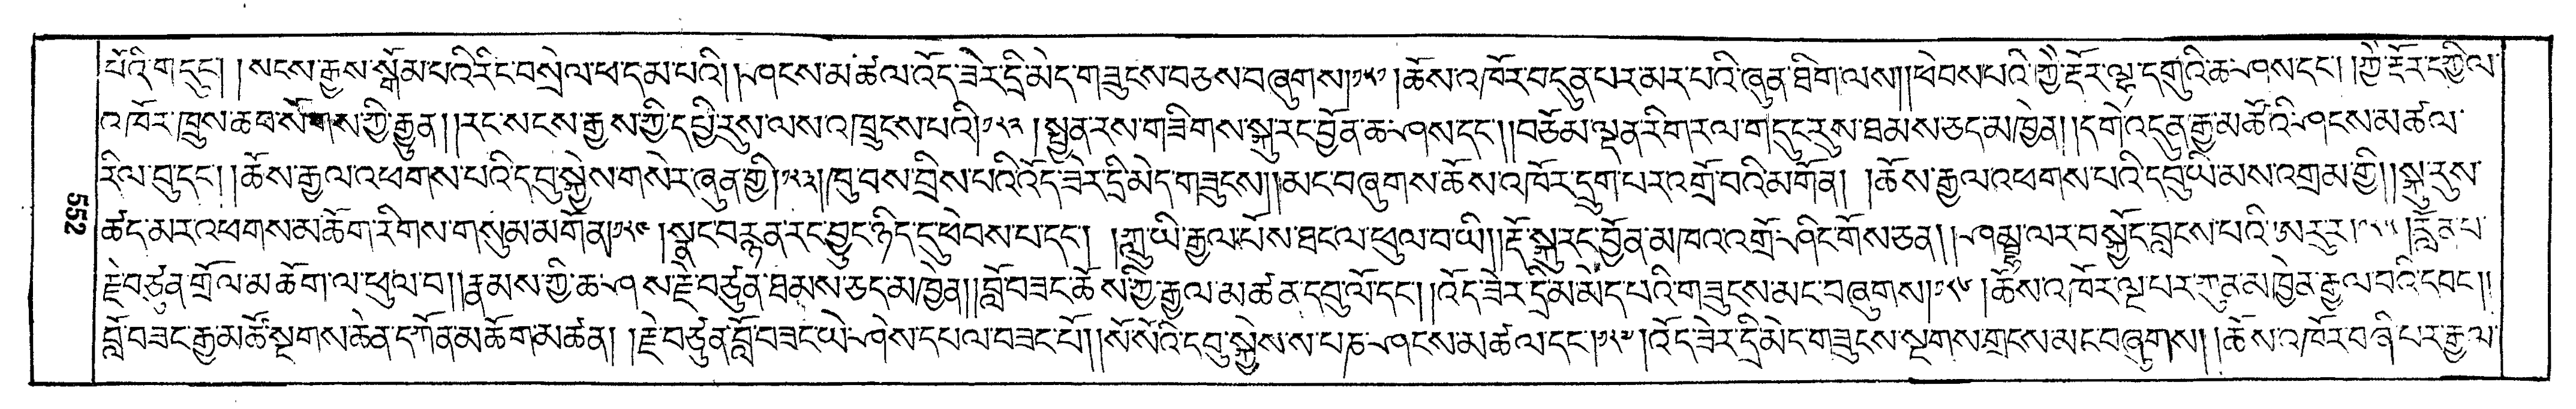པོའི་གདུང་། །སངས་རྒྱས་སྒོམ་པའི་རིང་བསྲེལ་ཕ་དམ་པའི། །ཤང་ས་མཚལ་འོད་ཟེར་དྲི་མེད་གཟུངས་བཅས་བཞུགས། ༡༨༡་།ཆོས་འཁོར་བདུན་པར་མར་པའི་ཞུན་ཐིག་ལས། །ཕེབས་པའི་ཀྱཻ་རྡོར་ལྷ་དགུའི་ཆ་ཤས་དང་། །ཀྱཻ་རྡོར་དཀྱིལ་
འཁོར་ཁྲུས་ཆབ་སོགས་ཀྱི་རྒྱུན། །རང་སངས་རྒྱས་ཀྱི་དཔྱི་རུས་ལས་འཁྲུངས་པའི། ༡༨༢་།སྤྱན་རས་གཟིགས་སྐུ་རང་བྱོན་ཆ་ཤས་དང་། །བཅོམ་ལྡན་རིག་རལ་གདུང་རུས་ཐམས་ཅད་མཁྱེན། །དགེ་འདུན་རྒྱ་མཚོའི་ཤངས་མཚལ་
རིལ་བུ་དང་། །ཆོས་རྒྱལ་འཕགས་པའི་དབུ་སྐྱེས་གསེར་ཞུན་གྱི། ༡༨༣་།ཁུ་བས་བྲིས་པའི་འོད་ཟེར་དྲི་མེད་གཟུངས། །མད་བཞུགས་ཆོས་འཁོར་དྲུག་པར་འགྲོ་བའི་མགོན། །ཆོས་རྒྱལ་འཕགས་པའི་དབུ་ཡི་མས་འགྲམ་གྱི། །སྐུ་རུས་
ཚད་མར་འཕགས་མཆོག་རིགས་གསུམ་མགོན། ༡༨༤་།སྣང་བརྙན་རང་བྱུང་ཉིད་དུ་ཕེབས་པ་དང་། །ཀླུ་ཡི་རྒྱལ་པོས་ཐང་ལ་ཕུལ་བ་ཡི། །རྡོ་སྐུ་རང་བྱོན་མཁའ་འགྲོ་ཤིང་གོས་ཅན། །ཤམྦྷ་ལར་བསྐྱོད་བླངས་པའི་ཨ་རུ་ར། ༡༨༥་།རློན་པ་
རྗེ་བཙུན་གྲོལ་མཆོག་ལ་ཕུལ་བ། །རྣམས་ཀྱི་ཆ་ཤས་རྗེ་བཙུན་ཐམས་ཅད་མཁྱེན། །བློ་བཟང་ཆོས་ཀྱི་རྒྱལ་མཚན་དབུ་ལོ་དང་། །འོད་ཟེར་དྲི་མ་མེད་པའི་གཟུངས་མང་བཞུགས། ༡༨༦་།ཆོས་འཁོར་ལྔ་པར་ཀུན་མཁྱེན་རྒྱལ་བའི་དབང།།
བློ་བཟང་རྒྱ་མཚོ་སྔགས་ཆེན་དཀོན་མཆོག་མཚན། །རྗེ་བཙུན་བློ་བཟང་ཡེ་ཤེས་དཔལ་བཟང་པོ། །སོ་སོའི་དབུ་སྐྱེས་ས་པཎ་ཤངས་མཆལ་དང་། ༡༨༧་།འོད་ཟེར་དྲི་མེད་གཟུངས་སྔགས་གྲངས་མང་བཞུགས། །ཆོས་འཁོར་བཞི་པར་རྒྱལ་